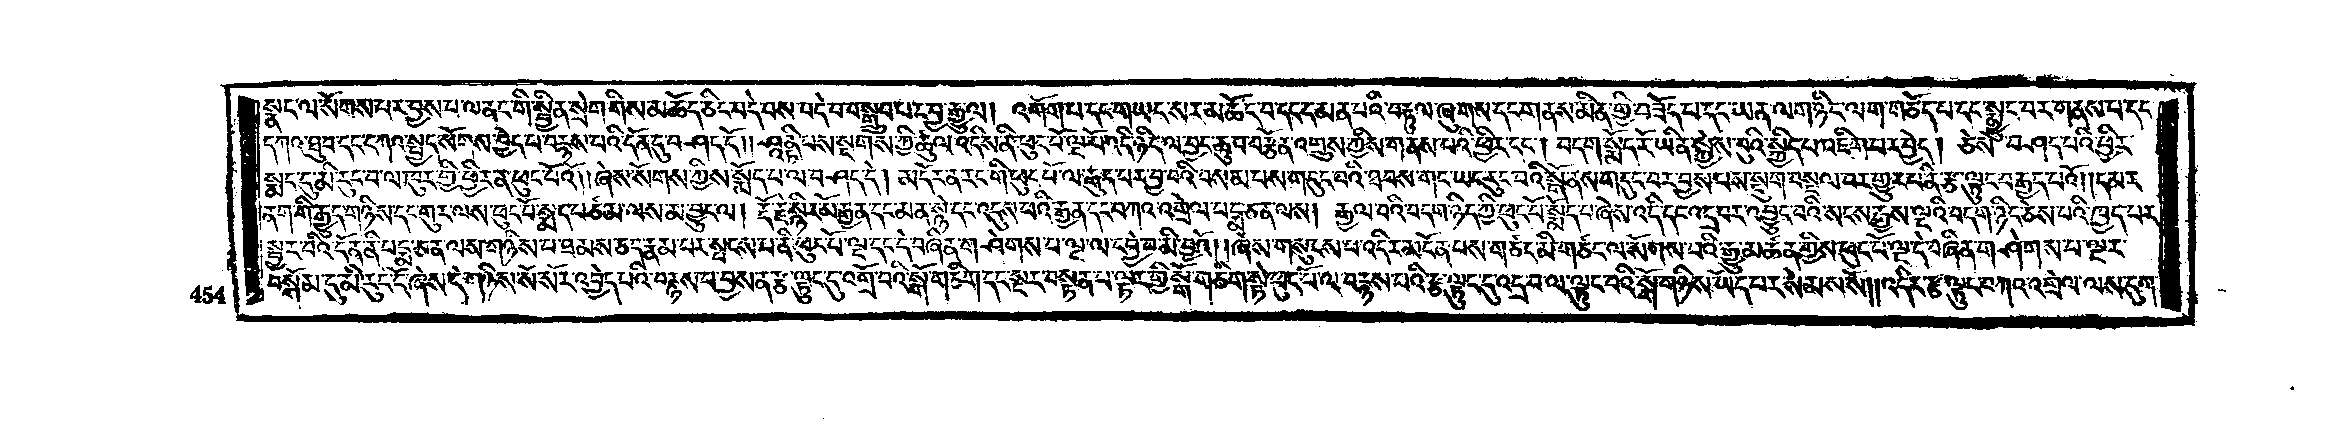སྣང་ལ་སོགས་པར་བྱས་པ་ལ་ནང་གི་སྦྱིན་སྲེག་གིས་མཆོད་ཅིང་བདེ་བས་བདེ་བ་བསྒྲུབ་པར་བྱ་རྒྱུ་ལ། འགོག་པ་དང་གཡང་སར་མཆོད་བ་དང་དམན་པའི་བརྟུལ་ཞུགས་དང་གནས་མིན་གྱི་བཟོད་པ་དང་ཡན་ལག་ཉིད་ལག་གཅོད་པ་དང་སྨྱུང་བར་གནས་པ་དང་
དཀའ་ཐུབ་དང་དཀའ་སྤྱད་སོགས་བྱེད་པ་བརྙས་པའི་དོན་དུ་བཤད་དོ། །ཤཱཏྣི་པས་སྔགས་ཀྱི་ཚུལ་འདིས་ནི་ཕུང་པོ་ལྔ་པོ་འདི་ཉིད་ལ་བྱང་ཆུབ་བརྩོན་འགྲུས་ཀྱིས་གནས་པའི་ཕྱིར་དང་། བདག་སྨོད་རོ་ཡིན་སྐྱེས་བུའི་སྐྱིད་པ་འཇིག་པར་བྱེད། ཅེས་བཤད་པའི་ཕྱིར་
སྨད་དུ་མི་རུང་བ་ལ་ཁུར་གྱི་ཕྱིར་ན་ཕུང་པོའོ། །ཞེས་སོགས་ཀྱིས་སྨོད་པ་ལ་བཤད་དེ། མདོར་ན་རང་གི་ཕུང་པོ་ལ་རྒུད་པར་བྱ་བའི་བསམ་པས་གདུང་བའི་ཐབས་གང་ཡང་རུང་བའི་སྒོ་ནས་གདུང་བར་བྱས་པས་སྡུག་བསྔལ་བར་གྱུར་པ་ནི་རྩ་ལྟུང་བརྒྱད་པའོ། །དམར་
ནག་གི་རྒྱུད་གཉིས་དང་གུར་ལས་ཕུང་པོ་སྨད་པ་ཙམ་ལས་མ་བྱུང་ལ། རྡོ་རྗེ་སྙིར་མོ་རྒྱན་དང་མན་སྙེ་དང་འདུས་པའི་རྒྱན་དང་བཀའ་འགྲེལ་པདམ་ཅན་ལས། རྒྱལ་བའི་བདག་ཉིད་ཀྱི་ཕུང་པོ་སྨོད་པ་ཞེས་འདི་དང་འདྲ་བར་འབྱུང་བའི་སངས་རྒྱས་ལྔའི་བདག་ཉིད་ཅེས་པའི་ཁྱད་པར་
སྦྱར་བའི་དོན་ནི་པདམ་ཅན་ལས་གཉིས་པ་ཐམས་ཅད་རྣམ་པར་སྤངས་པ་ནི་ཕུང་པོ་ལྔ་དང་དེ་བཞིན་གཤེགས་པ་ལྔ་ལ་དབྱེ་བ་མི་བྱའོ། །ཞེས་གསུངས་པ་འདིར་མངོན་པས་གཙང་མི་གཙང་ལ་སོགས་པའི་རྒྱུ་མཚན་གྱིས་ཕུང་པོ་ལྔ་དེ་བཞིན་གཤེགས་པ་ལྔར་
བསྒོམ་དུ་མི་རུང་ངོ་ཞེས་དེ་གཉིས་སོ་སོར་འབྱེད་པའི་བརྙས་པ་བྱས་ན་རྩ་ལྟུང་དུ་འགྲོ་བའི་སྒོ་གཅིག་དང་སྔར་བསྟན་པ་ལྟར་གྱི་སྒོ་གཅིག་སྟེ་ཕུང་པོ་ལ་བརྙས་པའི་རྩ་ལྟུང་དུ་འདྲ་བ་ལ་ལྟུང་བའི་སྒོ་གཉིས་ཡོད་པར་སེམས་སོ། །འདིར་རྩ་ལྟུང་བཀའ་འགྲེལ་ལས་དུག་